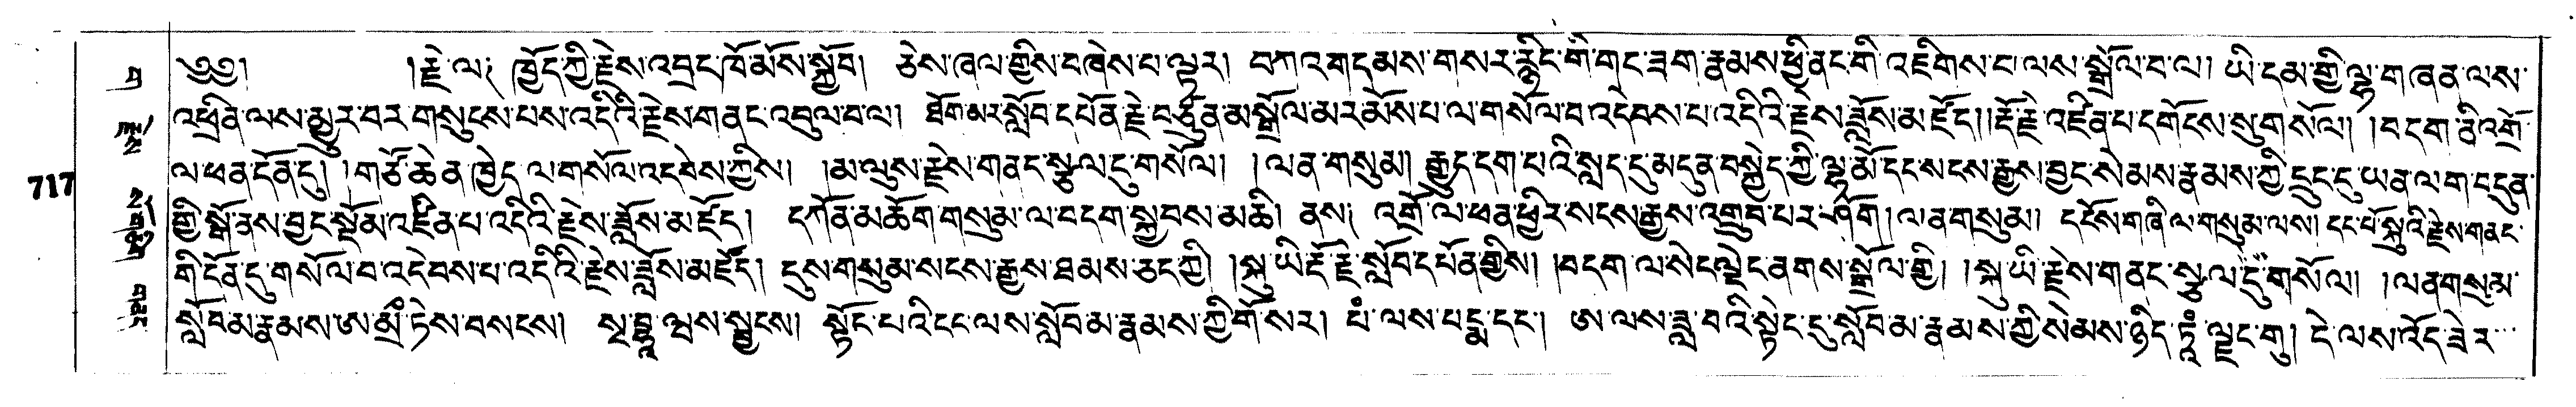༄༅། །རྗེ་ལ༑ ཁྱོད་ཀྱི་རྗེས་འབྲང་ཁོ་མོས་སྐྱོབ། ཅེས་ཞལ་གྱིས་བཞེས་པ་ལྟར། བཀའ་གདམས་གསར་རྙིང་གི་གང་ཟག་རྣམས་ཕྱི་ནང་གི་འཇིགས་པ་ལས་སྒྲོལ་བ་ལ། ཡི་དམ་གྱི་ལྷ་གཞན་ལས་
འཕྲིན་ལས་མྱུར་བར་གསུངས་པས་འདིའི་རྗེས་གནང་འབུལ་བ་ལ། ཐོག་མར་སློབ་དཔོན་རྗེ་བཙུན་མ་སྒྲོལ་མར་མོས་པ་ལ་གསོལ་བ་འདེབས་པ་འདིའི་རྗེས་ཟློས་མཛོད། །རྡོ་རྗེ་འཛིན་པ་དགོངས་སུ་གསོལ། །བདག་ནི་འགྲོ་
ལ་ཕན་དོན་དུ། །གཙོ་ཆེན་ཁྱེད་ལ་གསོལ་འདེབས་ཀྱིས། །མ་ལུས་རྗེས་གནང་སྩལ་དུ་གསོལ། །ལན་གསུམ། རྒྱུད་དག་པའི་སླད་དུ་མདུན་བསྐྱེད་ཀྱི་ལྷ་མོ་དང་སངས་རྒྱས་བྱང་སེམས་རྣམས་ཀྱི་དྲུང་དུ་ཡན་ལག་བདུན་
གྱི་སྒོ་ནས་བྱང་སྡོམ་འཛིན་པ་འདིའི་རྗེས་ཟློས་མཛོད། དཀོན་མཆོག་གསུམ་ལ་བདག་སྐྱབས་མཆི། ནས༑ འགྲོ་ལ་ཕན་ཕྱིར་སངས་རྒྱས་འགྲུབ་པར་ཤོག །ལན་གསུམ། དངོས་གཞི་ལ་གསུམ་ལས། དང་པོ་སྐུའི་རྗེས་གནང་
གི་དོན་དུ་གསོལ་བ་འདེབས་པ་འདིའི་རྗེས་ཟློས་མཛོད། དུས་གསུམ་སངས་རྒྱས་ཐམས་ཅད་ཀྱི། །སྐུ་ཡི་རྡོ་རྗེ་སློབ་དཔོན་གྱིས། །བདག་ལ་སེང་ལྡེང་ནགས་སྒྲོལ་གྱི། །སྐུ་ཡི་རྗེས་གནང་སྩལ་དུ་གསོལ། །ལན་གསུམ་
སློབ་མ་རྣམས་ཨ་མྲྀ་ཏེས་བསངས། སྭ་བྷཱ་ཝས་སྦྱངས། སྟོང་པའི་ངང་ལས་སློབ་མ་རྣམས་ཀྱི་གོ་སར། པཾ་ལས་པདམ་དང་། ཨ་ལས་ཟླ་བའི་སྟེང་དུ་སློབ་མ་རྣམས་ཀྱི་སེམས་ཉིད་ཏཱཾ་ལྗང་གུ། དེ་ལས་འོད་ཟེར་